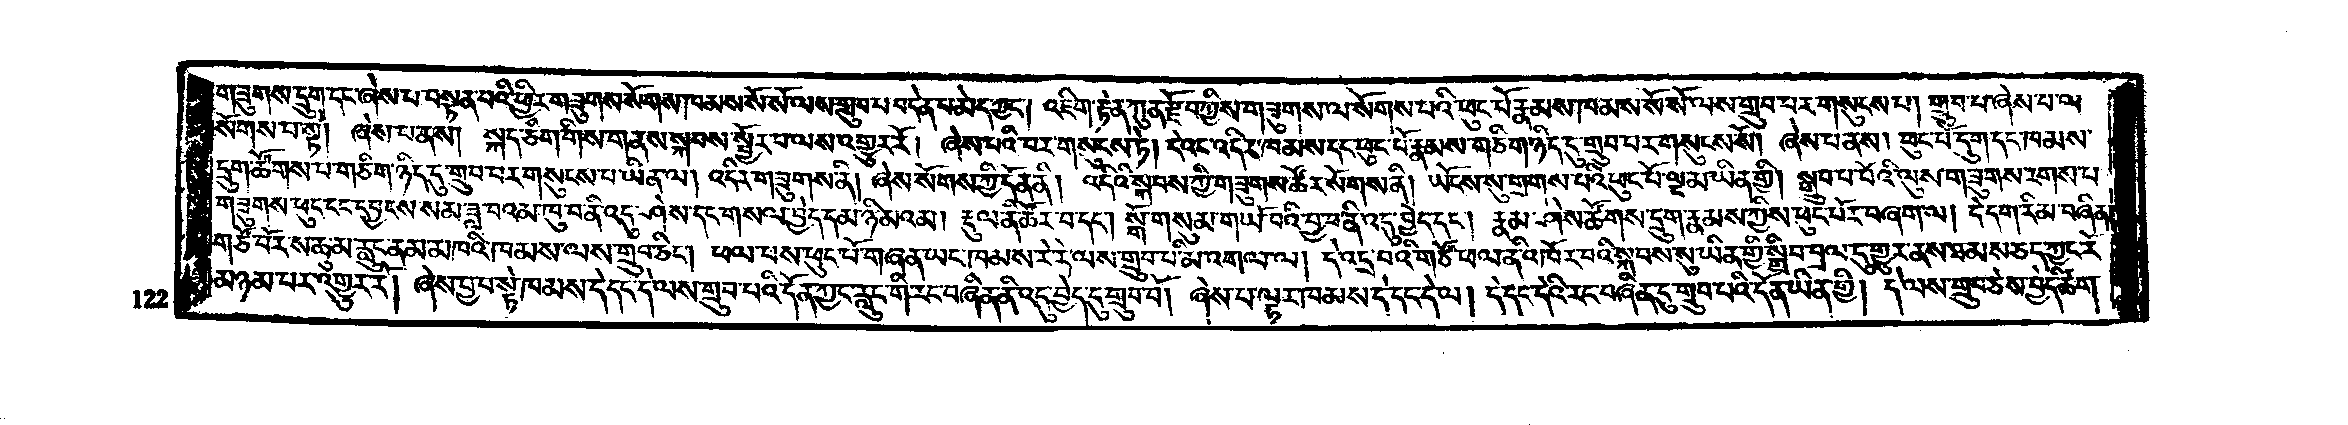གཟུགས་དྲུག་དང་ཞེས་པ་བསྟན་པའི་ཕྱིར་གཟུགས་སོགས་ཁམས་སོ་སོ་ལས་གྲུབ་པ་བདེན་པ་མེད་ཀྱང་། འཇིག་རྟེན་ཀུན་རྫོབ་ཀྱིས་གཟུགས་ལ་སོགས་པའི་ཕུང་པོ་རྣམས་ཁམས་སོ་སོ་ལས་གྲུབ་པར་གསུངས་པ། གྲུབ་པ་ཞེས་པ་ལ་
སོགས་པ་སྟེ། ཞེས་པ་ནས། སྐད་ཅིག་གིས་གནས་སྐབས་སྦྱོར་བ་ལས་འགྱུར་རོ། ཞེས་པའི་བར་གསུངས་ཏེ། དེའང་འདིར་ཁམས་དང་ཕུང་པོ་རྣམས་གཅིག་ཉིད་དུ་གྲུབ་པར་གསུངས་སོ། ཞེས་པ་ནས། ཕུང་པོ་དྲུག་དང་ཁམས་
དྲུག་ཚོགས་པ་གཅིག་ཉིད་དུ་གྲུབ་པར་གསུངས་པ་ཡིན་ལ། འདིར་གཟུགས་ནི། ཞེས་སོགས་ཀྱི་དོན་ནི། འདིའི་སྐབས་ཀྱི་གཟུགས་ཚོར་སོགས་ནི། ཡོངས་སུ་གྲགས་པའི་ཕུང་པོ་ལྔ་མ་ཡིན་གྱི། སྒྲུབ་པ་པོའི་ལུས་གཟུགས་རགས་པ་
གཟུགས་ཕུང་དང་དབྱངས་སམ་ཟླ་བའམ་ཁུ་བ་ནི་འདུ་ཤེས་དང་གསལ་བྱེད་དམ་ཉི་མའམ། རྡུལ་ནི་ཚོར་བ་དང་། སྒོ་གསུམ་གཡོ་བའི་བྱ་བ་ནི་འདུ་བྱེད་དང་། རྣམ་ཤེས་ཚོགས་དྲུག་རྣམས་ཀྱིས་ཕུང་པོར་བཞག་ལ། དེ་དག་རིམ་བཞིན་
གཙོ་བོར་ས་ཆུ་མེ་རླུང་ནམ་མཁའི་ཁམས་ལས་གྲུབ་ཅིང་། ཕལ་པས་ཕུང་པོ་གཞན་ཡང་ཁམས་རེ་རེ་ལས་གྲུབ་པ་མི་འགལ་ལ། དེ་འདྲ་བའི་གཙོ་ཕལ་ནི་འཁོར་བའི་སྐབས་སུ་ཡིན་གྱི་སྒྲིབ་བྲལ་དུ་གྱུར་ནས་ཐམས་ཅད་ཀྱང་རོ་
མཉམ་པར་འགྱུར་རོ། ཞེས་བྱ་བ་སྟེ་ཁམས་དེ་དང་དེ་ལས་གྲུབ་པའི་དོན་ཀྱང་རླུང་གི་རང་བཞིན་ནི་འདུ་བྱེད་དུ་གྲུབ་བོ། ཞེས་པ་ལྟར་ཁམས་དེ་དང་དེ་ལ། དེ་དང་དེའི་རང་བཞིན་དུ་གྲུབ་པའི་དོན་ཡིན་གྱི། དེ་ལས་གྲུབ་ཅེས་བྱེད་ཚིག་